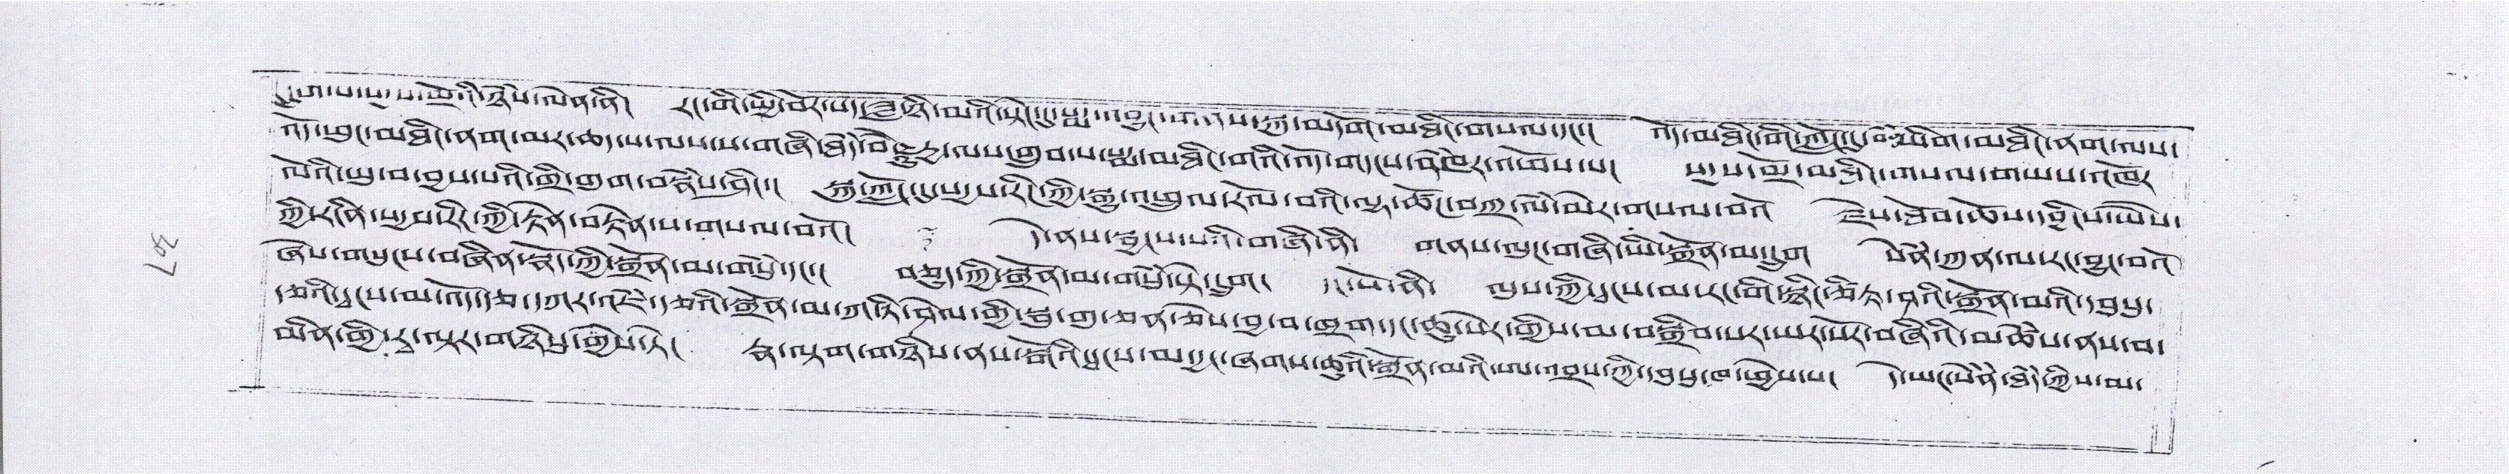དྲུག་པ་སངས་རྒྱས་མཁའ་འགྲོའི་ཉམས་ལེན་ནི། རང་གི་སྤྱི་བོར་པད་ཟླ་ཉི་མའི་སྟེང་དུ་པདྨ་འབྱུང་གནས་སྐུ་མདོག་མཐིང་གསལ་དང། འོད་མཐིང་གི་ཀློང་དུ་བཾཿཡིག་མཐིང་ནག་ལས་
འོད་ཕུང་མཐིང་ནག་མར་ཆད་པ་ལས་ས་གཞི་ཐམས་ཅད་བཻཌུརྱ་ལས་གྲུབ་པ་པདྨ་མཐིང་གའི་འོད་གདངས་ནམ་མཁར་འཕོས་པ། སངས་རྒྱས་མཁའ་འགྲོ་མཐིང་གསལ་གཡས་འཁོར་
ལོའི་ཡུ་བ་བྱས་པའི་གྲི་གུག་བསྣམས་ཤིང། སྐུ་ཀློང་དུ་སངས་རྒྱས་རིགས་ཀྱི་སྒྱུ་འཕྲུལ་རོལ་བའི་ལྷ་ཚོགས་བཀྲ་ལམ་མེར་གསལ་བའོ། རྗེས་ཐོབ་ཆོས་དབྱིངས་ཡེ་ཤེས་
ཀྱི་རང་བཞིན་སངས་རྒྱས་རིགས་ཀྱི་རྟེན་བརྟེན་པ་གསལ་བའོ། ༑ དེ་ནས་སྦྱངས་པའི་གཞི་ནི། གནས་ལུགས་གཞི་ཡི་སྒྲོན་མ་དྲུག སེམས་ཅན་ཀུན་ལ་རང་བྱུང་བའོ། 
ཞེས་གསུངས་བཞིན་སྣོད་ཀྱི་སྒྲོན་མ་གསུམ་དང། བཅུད་ཀྱི་སྒྲོན་མ་གསུམ་སྟེ་དྲུག དང་པོ་ནི། ལུས་ཀྱི་དྭངས་མ་རང་གི་སྙིང་ཙིཏྟ་ཤའི་སྒྲོན་མའི་དབུས་སུ་
རྩའི་དྭངས་མ་འོད་རྩ་དཀར་འཇམ་རྩའི་སྒྲོན་མ་ཀ་ཏི་ཤེལ་གྱི་སྦུ་གུ་ཅན་ཅེས་བྱ་བ་ཁྲག་དང་ཆུ་སེར་གྱིས་མ་བསྒྲིབ་པར་ཡར་སོར་བཞིའི་མཚམས་ནས་བ་
མིན་གྱི་རྭ་ལྟར་གཉིས་སུ་གྱེས་ཏེ། རྣ་ལྟག་གཉིས་ནས་སྒོའི་དྭངས་མ་རྒྱང་ཞགས་ཆུའི་སྒྲོན་མའི་ཨ་འབྲས་ཀྱི་དབུས་སུ་ཁ་ཕྱེས་པ། དེ་ཡང་སེམས་ཅན་ཐམས་ཅད་ཀྱིས་མ་